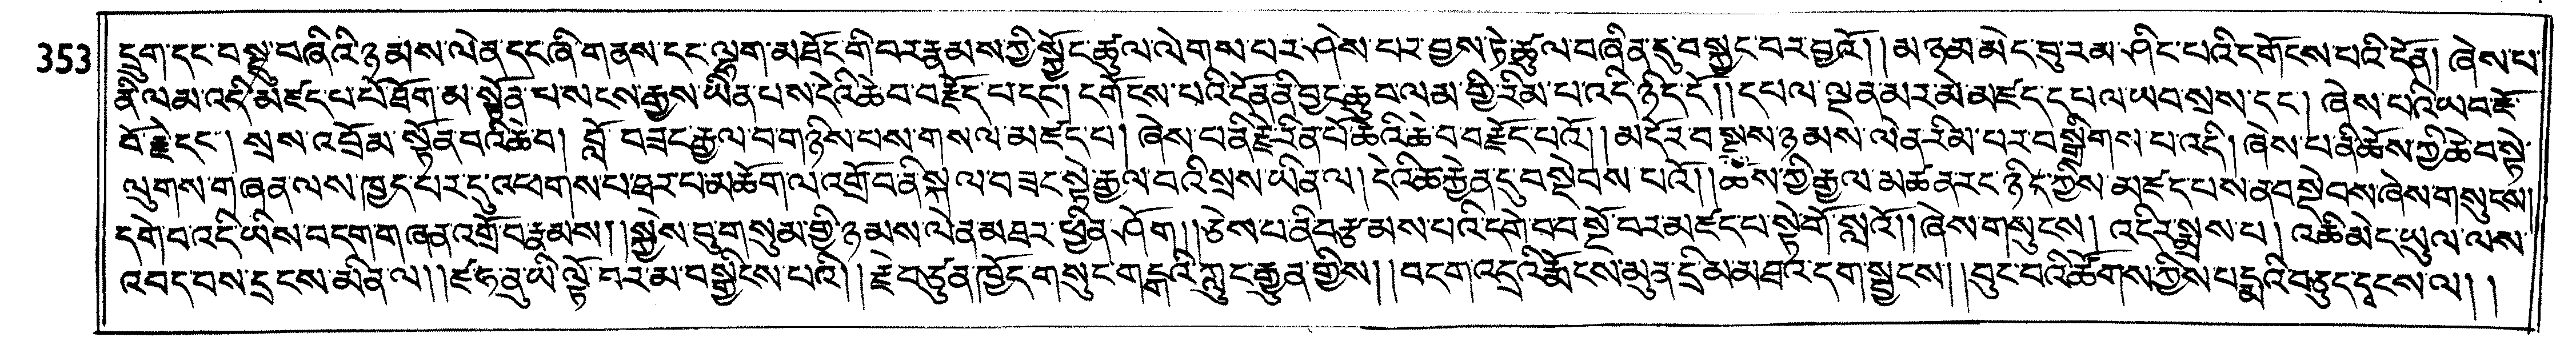དྲུག་དང་བསྡུ་བཞིའི་ཉམས་ལེན་དང་ཞི་གནས་དང་ལྷག་མཐོང་གི་བར་རྣམས་ཀྱི་སྐྱོང་ཚུལ་ལེགས་པར་ཤེས་པར་བྱས་ཏེ་ཚུལ་བཞིན་དུ་བསྐྱང་བར་བྱའོ། །མཉམ་མེད་བུ་རམ་ཤིང་པའི་དགོངས་པའི་དོན། ཞེས་པ་
ནི་ལམ་འདི་མཛད་པ་པོ་ཐོག་མ་སྟོན་པ་སངས་རྒྱས་ཡིན་པས་དེའི་ཆེ་བ་བརྗོད་པ་དང་། དགོངས་པའི་དོན་ནི་བྱང་ཆུབ་ལམ་གྱི་རིམ་པ་འདི་ཉིད་དོ། །དཔལ་ལྡན་མར་མེ་མཛད་དཔལ་ཡབ་སྲས་དང་། ཞེས་པའི་ཡབ་ཇོ་
བོ་རྗེ་དང་། སྲས་འབྲོམ་སྟོན་བའི་ཆེ་བ། བློ་བཟང་རྒྱལ་བ་གཉིས་པས་གསལ་མཛད་པ། ཞེས་པ་ནི་རྗེ་རིན་པོ་ཆེའི་ཆེ་བ་བརྗོད་པའོ། །མདོར་བསྡུས་ཉམས་ལེན་རིམ་པར་བསྒྲིགས་པ་འདི། ཞེས་པ་ནི་ཆོས་ཀྱི་ཆེ་བ་སྟེ་
ལུགས་གཞན་ལས་ཁྱད་པར་དུ་འཕགས་པ་ཐར་པ་མཆོག་ལ་འགྲོ་བ་ནི་སྐལ་བཟང་སྟེ་རྒྱལ་བའི་སྲས་ཡིན་ལ། དེའི་ཆ་རྐྱེན་དུ་བསྡེབས་པའོ། །ཆོས་ཀྱི་རྒྱལ་མཚན་རང་ཉིད་ཀྱིས་མཛད་པས་ན་བསྡེབས་ཞེས་གསུངས།
དགེ་བ་འདི་ཡིས་བདག་གཞན་འགྲོ་བ་རྣམས། །སྐྱེས་བུ་གསུམ་གྱི་ཉམས་ལེན་མཐར་ཕྱིན་ཤོག །ཅེས་པ་ནི་བརྩམས་པའི་དགེ་བ་བསྔོ་བར་མཛད་པ་སྟེ་གོ་སླའོ། །ཞེས་གསུངས། འདིར་སྨྲས་པ། འཆི་མེད་ཡུལ་ལས་
འབད་བས་དྲངས་མིན་ལ། །ཛ་ཧ་ནུ་ཡི་ལྟོ་བར་མ་བསྒྱིངས་པའི། །རྗེ་བཙུན་ཁྱོད་གསུང་གངྒའི་ཀླུང་རྒྱུན་གྱིས། །བདག་འདྲའི་རྨོངས་མུན་དྲི་མ་མཐའ་དག་སྦྱངས། །བུང་བའི་ཚོགས་ཀྱིས་པདམའི་བཅུད་དྭངས་ལ། །